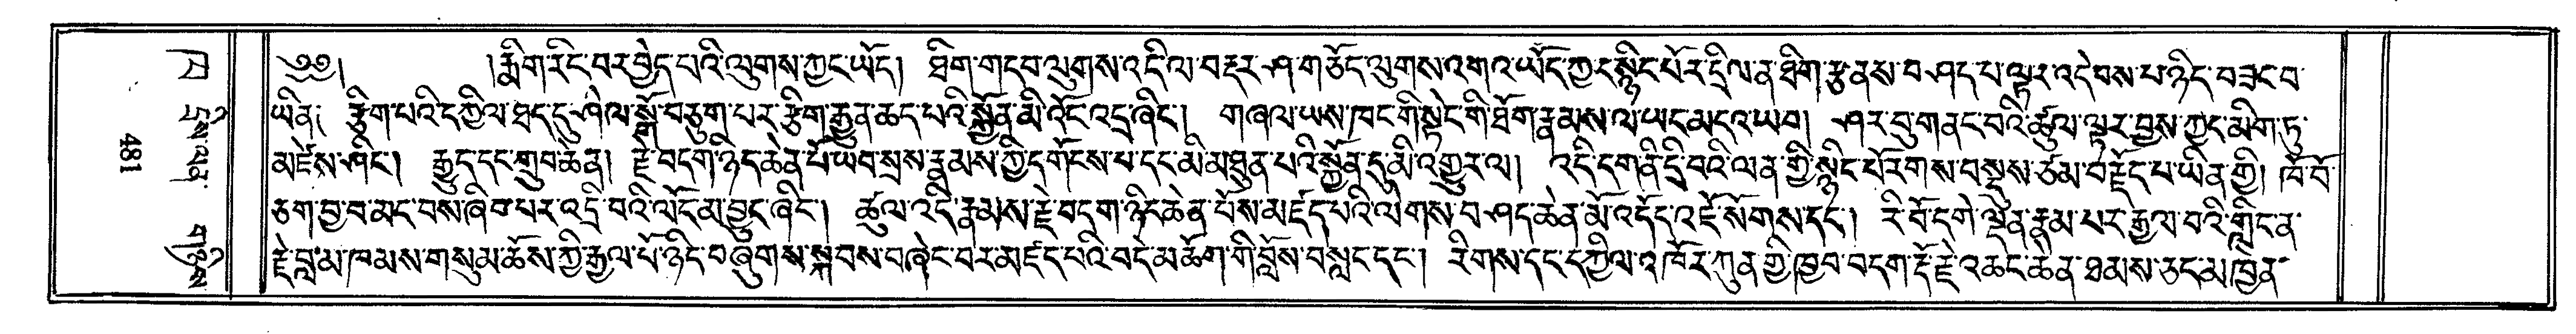༄༅། །རྨིག་རིང་བར་བྱེད་པའི་ལུགས་ཀྱང་ཡོད། ཐིག་གདབ་ལུགས་འདི་ལ་བརྡར་ཤ་གཅོད་ལུགས་འགའ་ཡོད་ཀྱང་སྙིང་པོར་དྲིལ་ན་ཐིག་རྩ་ནས་བཤད་པ་ལྟར་འདེབས་པ་ཉིད་བཟང་བ་
ཡིན༑ རྩིག་པའི་དཀྱིལ་ཐང་དུ་ཤེལ་སྒོ་བཅུག་པར་རྩིག་རྒྱུན་ཆད་པའི་སྐྱོན་མི་འོང་འདྲ་ཞིང་། གཞལ་ཡས་ཁང་གི་སྟེང་གི་ཐོག་རྣམས་ལ་ཡང་མདའ་ཡབ། ཤར་བུ་གནང་བའི་ཚུལ་ལྟར་བྱས་ཀྱང་མིག་ཏུ་
མཛེས་ཤིང་། རྒྱུད་དང་གྲུབ་ཆེན། རྗེ་བདག་ཉིད་ཆེན་པོ་ཡབ་སྲས་རྣམས་ཀྱི་དགོངས་པ་དང་མི་མཐུན་པའི་སྐྱོན་དུ་མི་འགྱུར་ལ། འདི་དག་ནི་དྲི་བའི་ལན་གྱི་སྙིང་པོ་རགས་བསྡུས་ཙམ་བརྗོད་པ་ཡིན་གྱི། ཁོ་བོ་
ཅག་བྱ་བ་མང་བས་ཞིབ་པར་འདྲི་བའི་ལོང་མ་བྱུང་ཞིང་། ཚུལ་འདི་རྣམས་རྗེ་བདག་ཉིད་ཆེན་པོས་མཛད་པའི་ལེགས་བཤད་ཆེན་མོ་འདོད་འཇོ་སོགས་དང་། རི་བོ་དགེ་ལྡན་རྣམ་པར་རྒྱལ་བའི་གླིང་ན་
རྗེ་བླ་མ་ཁམས་གསུམ་ཆོས་ཀྱི་རྒྱལ་པོ་ཉིད་བཞུགས་སྐབས་བཞེང་བར་མཛད་པའི་བདེ་མཆོག་གི་བློས་བསླང་དང་། རིགས་དང་དཀྱིལ་འཁོར་ཀུན་གྱི་ཁྱབ་བདག་རྡོ་རྗེ་འཆང་ཆེན་ཐམས་ཅད་མཁྱེན་